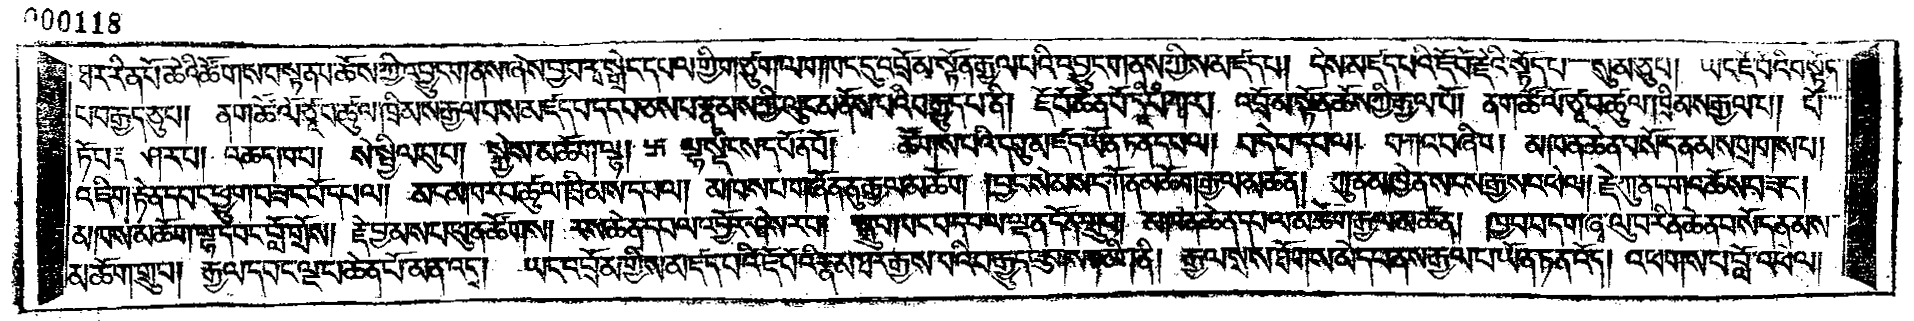ཐར་རིན་པོ་ཆེའི་ཚོགས་བསྟན་པ་ཆོས་ཀྱི་འབྱུང་གནས་ཞེས་བྱ་བ་རྭ་སྒྲེང་དཔལ་གྱི་གཙུག་ལག་ཁང་དུ་འབྲོམ་སྟོན་རྒྱལ་པའི་འབྱུང་གནས་ཀྱིས་མཛད་པ། དེས་མཛད་པའི་ཇོ་བོ་རྗེའི་སྟོད་པ་སུམ་ཅུ་པ། ཡང་ཇོ་བོའི་བསྟོད་
པ་བརྒྱད་བཅུ་པ། ནག་ཚོ་ལོ་ཙཱ་པ་ཚུལ་ཁྲིམས་རྒྱལ་པས་མཛད་པ་དང་བཅས་པ་རྣམས་ཀྱི་ལུང་མནོས་པའི་བརྒྱུད་ཨ་ནི། ཇོ་བོ་ཆེན་པོ་དཱི་པཾ་ཀར། འབྲོམ་སྟོན་ཆོས་ཀྱི་རྒྱལ་པོ། ནག་ཚོ་ལོ་ཏའ་པ་ཚུལ་ཁྲིམས་རྒྱལ་པ། པོ་
ཏོ་པ༑ ཤར་པ། འཆད་ཁ་པ། སེ་སྤྱིལ་བུ་པ། སྐྱེས་མཆོག་ལྷ། ལྷ་སྡིངས་དཔོན་པོ། ཚོགས་པའི་དབུ་མཛད་ཡོན་ཏན་དཔལ། བདེ་པ་དཔལ། བཀའ་བཞི་པ། མཁན་ཆེན་བསོད་ནམས་གྲགས་པ།
འཇིག་རྟེན་དབང་ཕྱུག་བཟང་པོ་དཔལ། མང་མཁར་པ་ཚུལ་ཁྲིམས་དཔལ། མཁས་པ་གཞོན་ནུ་རྒྱལ་མཆོག །བྱང་སེམས་དཀོན་མཆོག་རྒྱལ་མཚན། ཀུན་མཁྱེན་སངས་རྒྱས་འཕེལ། རྗེ་ཀུན་དགའ་ཆོས་བཟང་།
མཁས་མཆོག་ལྷ་དབང་བློ་གྲོས། རྗེ་བྱམས་པ་ཕུན་ཚོགས། རས་ཆེན་དཔལ་འབྱོར་ཤེས་རབ། སྒྲུབ་ཁང་པ་དཔལ་ལྡན་དོན་གྲུབ། མཁན་ཆེན་དཔལ་མཆོག་རྒྱལ་མཚན། ཁྱབ་བདག་ཞྭ་ལུ་བ་རིན་ཆེན་བསོད་ནམས་
མཆོག་གྲུབ། རྒྱལ་དབང་ལྔ་པ་ཆེན་པོ་མན་འདྲ། ཡང་འབྲོམ་གྱིས་མཛད་པའི་ཇོ་བོའི་རྣམ་ཐར་རྒྱས་པའི་བརྒྱུད་ལུགས་གཅིག་ནི། རྒྱལ་སྲས་ཐོགས་མེད་པ་ནས་རྒྱལ་པ་ཡོན་ཏན་འོད། འཕགས་པ་བློ་འཕེལ།